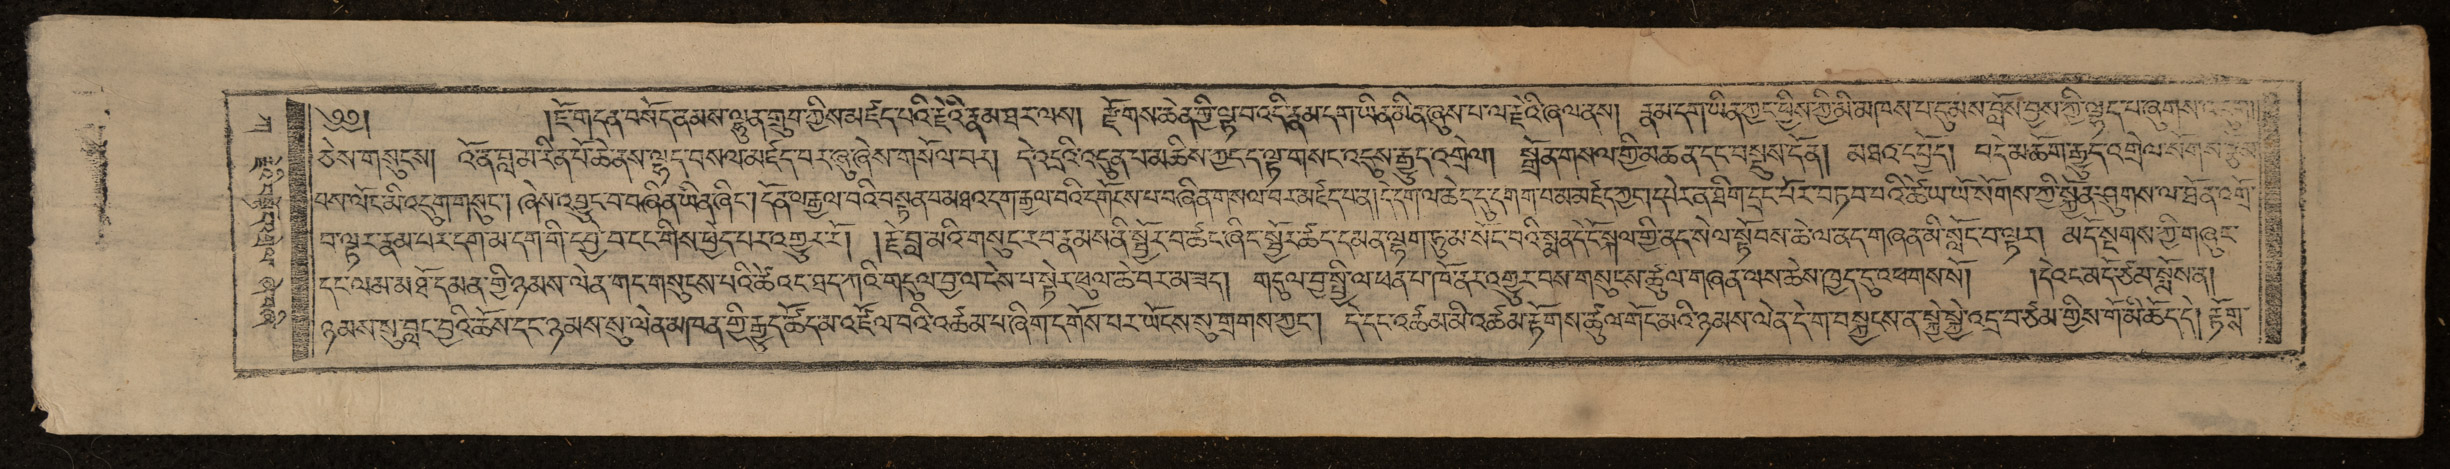༄༅། །ཇོ་གདན་བསོད་ནམས་ལྷུན་གྲུབ་ཀྱིས་མཛད་པའི་རྗེའི་རྣམ་ཐར་ལས། རྫོགས་ཆེན་གྱི་ལྟ་བ་འདི་རྣམ་དག་ཡིན་མིན་ཞུས་པ་ལ་རྗེའི་ཞལ་ནས། རྣམ་དག་ཡིན་ཀྱང་ཕྱིས་ཀྱི་མི་མཁས་པ་དུ་མས་བློས་བྱས་ཀྱི་ལྷད་བཞུགས་འདུག།
ཅེས་གསུངས། འོ་ན་བླ་མ་རིན་པོ་ཆེ་ནས་ལྷད་བསལ་མཛད་པར་ཞུ་ཞེས་གསོལ་བར། དེ་འདྲའི་འདུན་པ་མཆིས་ཀྱང་ད་ལྟ་གསང་འདུས་རྒྱུད་འགྲེལ། སྒྲོན་གསལ་གྱི་མཆན་དང་བསྡུས་དོན། མཐའ་དཔྱོད། བདེ་མཆོག་རྒྱུད་འགྲེལ་སོགས་རྩོམ་
བས་ལོང་མི་འདུག་གསུང་། ཞེས་འབྱུང་བ་བཞིན་ཡིན་ཞིང་། དོན་ལ་རྒྱལ་བའི་བསྟན་པ་མཐའ་དག་རྒྱལ་བའི་དགོངས་བ་བཞིན་གསལ་བར་མཛད་པ་ན། དེ་དག་ལ་ཆེད་དུ་དགག་བ་མ་མཛད་ཀྱང་དཔེར་ན་ཐིག་དྲང་པོར་བཏབ་བའི་ཚེ་ཡ་ཡོ་སོགས་ཀྱི་སྐྱོན་ཤུགས་ལ་ཐོན་འགྲོ་
བ་ལྟར་རྣམ་བར་དག་མ་དག་གི་དབྱེ་བ་ངང་གིས་ཕྱེད་པར་འགྱུར་རོ། །རྗེ་བླ་མའི་གསུང་རབ་རྣམས་ནི་སྦྱོར་བ་ཚང་ཞིང་སྦྱོར་ཚད་དམན་ལྷག་ཏུ་མ་སོང་བའི་སྨན་དེ་ངོ་སྐལ་གྱི་ནད་སེལ་སྟོབས་ཆེ་ལ་ནད་གཞན་མི་སློང་བ་ལྟར། མདོ་སྔགས་ཀྱི་གཞུང་
དང་ལམ་མཐོ་དམན་གྱི་ཉམས་ལེན་གང་གསུངས་པའི་ཚེའང་ཐད་ཀའི་གདུལ་བྱ་ལ་ངེས་པ་སྟེར་ཕུལ་ཆེ་བར་མ་ཟད། གདུལ་བྱ་སྤྱི་ལ་ཕན་པ་ཁོ་ནར་འགྱུར་བས་གསུངས་ཚུལ་གཞན་ལས་ཆེས་ཁྱད་དུ་འཕགས་སོ། །དེའང་མདོ་ཙམ་སྨོས་ན།
ཉམས་སུ་བླང་བྱའི་ཆོས་དང་ཉམས་སུ་ལེན་མཁན་གྱི་རྒྱུད་ཚོད་མ་འཛོལ་པའི་འཚམ་པ་ཞིག་དགོས་པར་ཡོངས་སུ་གྲགས་ཀྱང་། དེ་དང་འཚམ་མི་འཚམ་རྟོགས་ཚུལ་གོང་མའི་ཉམས་ལེན་དེ་ག་བསྐྱངས་ན་སྐྱེ་སྐྱེ་འདྲ་བ་ཙམ་གྱིས་གོ་མི་ཆོད་དེ། རྟོགས་